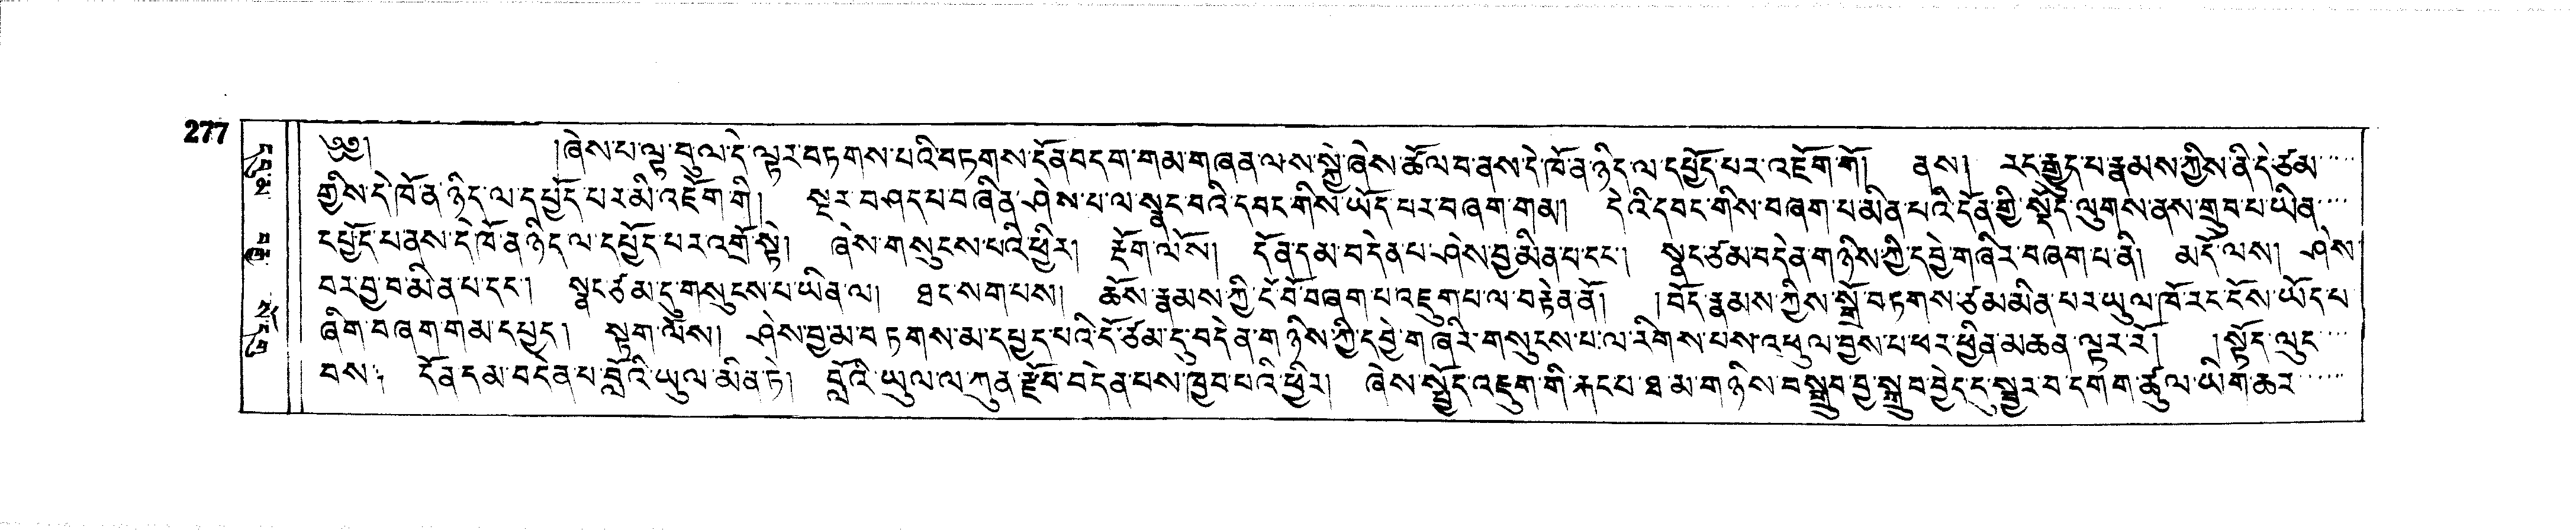༄༅། །ཞེས་པ་ལྟ་བུ་ལ་དེ་ལྟར་བཏགས་པའི་བཏགས་དོན་བདག་གམ་གཞན་ལས་སྐྱེ་ཞེས་ཚོལ་བ་ནས་དེ་ཁོ་ན་ཉིད་ལ་དཔྱོད་པར་འཇོག་གོ །ནས། རང་རྒྱུད་པ་རྣམས་ཀྱིས་ནི་དེ་ཙམ་
གྱིས་དེ་ཁོ་ན་ཉིད་ལ་དཔྱོད་པར་མི་འཇོག་གི །སྔར་བཤད་པ་བཞིན་ཤེས་པ་ལ་སྣང་བའི་དབང་གིས་ཡོད་པར་བཞག་གམ། དེའི་དབང་གིས་བཞག་པ་མིན་པའི་དོན་གྱི་སྡོད་ལུགས་ནས་གྲུབ་པ་ཡིན་
དཔྱོད་པ་ནས་དེ་ཁོ་ན་ཉིད་ལ་དཔྱོད་པར་འགྲོ་སྟེ། ཞེས་གསུངས་པའི་ཕྱིར། རྡོག་ལོས། དོན་དམ་བདེན་པ་ཤེས་བྱ་མིན་པ་དང་། སྣང་ཙམ་བདེན་གཉིས་ཀྱི་དབྱེ་གཞིར་བཞག་པ་ནི། མདོ་ལས། ཤེས་
བར་བྱ་བ་མིན་པ་དང་། སྣང་ཙམ་དུ་གསུངས་པ་ཡིན་ལ། ཐང་སག་པས། ཆོས་རྣམས་ཀྱི་ངོ་བོ་བཞག་པ་འཇུག་པ་ལ་བརྟེན་ནོ། །བོད་རྣམས་ཀྱིས་སྒྲོ་བཏགས་ཙམ་མིན་པར་ཡུལ་ཁོ་རང་ངོས་ཡོད་པ་
ཞིག་བཞག་གམ་དཔྱད། སྟག་ལོས། ཤེས་བྱ་མ་བཏགས་མ་དཔྱད་པའི་དོ་ཙམ་དུ་བདེན་གཉིས་ཀྱི་དབྱེ་གཞིར་གསུངས་པ་ལ་རིགས་པས་འཕུལ་བྱས་པ་ཕར་ཕྱིན་མཆན་ལྟར་རོ། །སྟོད་ལུང་
བས༑ དོན་དམ་བདེན་པ་བློའི་ཡུལ་མིན་ཏེ། བློའི་ཡུལ་ལ་ཀུན་རྫོབ་བདེན་པས་ཁྱབ་པའི་ཕྱིར། ཞེས་སྤྱོད་འཇུག་གི་རྐང་པ་ཐ་མ་གཉིས་བསྒྲུབ་བྱ་སྒྲུབ་བྱེད་དུ་སྦྱར་བ་དགག་ཚུལ་ཡིག་ཆར་